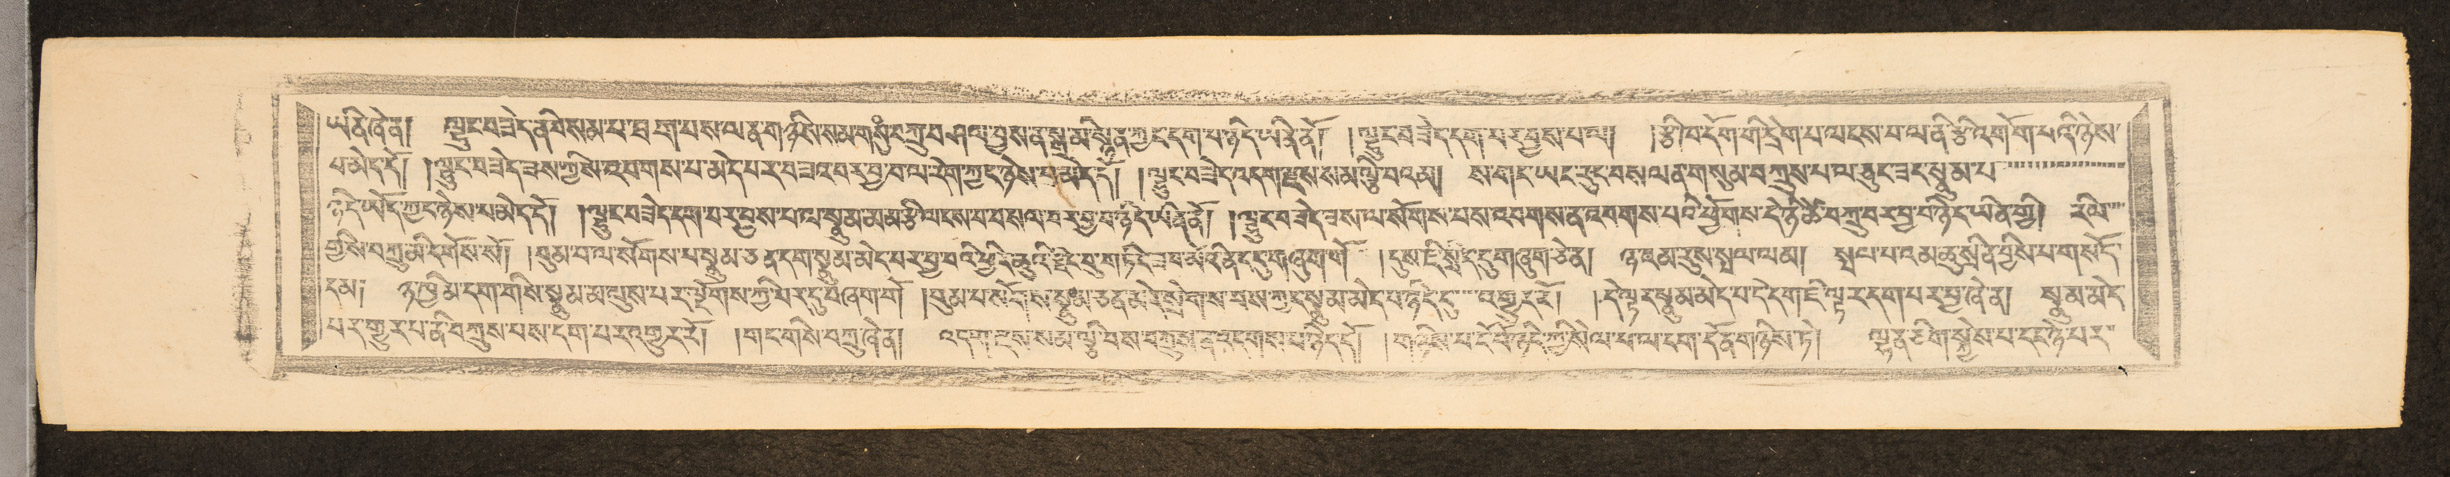ཡིན་ཞེ་ན། ལྷུང་བཟེད་ནི་བསམ་པ་ཐག་པས་ལན་གཉིས་སམ་གསུཾ་བཀྲུ་བཤལ་བྱས་ན་སྒྲ་མི་སྙན་ཀྱང་དག་པ་ཉིད་ཡིན་ནོ། །ལྷུང་བཟེད་དག་པར་བྱས་པ་ལ། རྩི་ཁ་དོག་གི་དྲེག་པ་ལ་ངས་པ་ལ་ནི་རྩི་འགོག་པའི་ཉེས་
པ་མེད་དོ། །ལྷུང་བཟེད་ཟས་ཀྱིས་འབགས་པ་མེད་པར་བཟའ་བར་བྱ་བ་ལ་རེག་ཀྱང་ཉེས་པ་མེད་དོ། །ལྷུང་བཟེད་བདག་རྫས་སམ་ལྕི་བའམ། ས་གང་ཡང་རུང་བས་ལན་གསུམ་པ་ཀྲུས་པ་ལ་ཅུང་ཟད་སྣུམ་པ་
ཉིད་ཡོད་ཀྱང་ཉེས་པ་མེད་དོ། །ལྷུང་བཟེད་དག་པར་བྱས་པ་ལ་སྣུམ་མམ་རྩི་ལངས་པ་བསལ་བར་བྱ་བ་ཉིད་ཡིན་ནོ། །ལྷུང་བཟེད་ཟས་ལ་སོགས་པས་འབགས་བའི་ཕྱོགས་དེ་ཉི་ཚེ་བཀྲུ་བར་བྱ་བ་ཉིད་ཡིན་གྱི། རིལ་
གྱིས་བཀྲུ་མི་དགོས་སོ། །བུམ་པ་ལ་སོགས་པ་སྣུམ་ཅན་དག་སྣུམ་མེད་པར་བྱ་བའི་ཕྱིར་ཆུའི་རྫིང་བུ་གཏིང་ཟབ་མོའི་ནང་དུ་གཞུག་གོ། །དུས་ཇི་སྲིད་དུ་གཞུག་ཅེ་ན། ཉ་འམ་རུས་སྦལ་ལམ། སྦལ་པ་འམ་ཆུ་སྲིན་བྱིས་པ་གསོད་
དམ། ཉ་ཁྱིམ་དག་གིས་སྣུམ་མ་ལུས་པར་ལྡོགས་ཀྱི་བར་དུ་བཞག་གོ །བུམ་པ་སོགས་སྣུམ་ཅན་མེར་སྲེགས་པས་ཀྱང་སྣུམ་མེད་པ་ཉིད་དུ་འགྱུར་རོ། །དེ་ལྟར་སྣུམ་མེད་པ་དེ་དག་ཇི་ལྟར་དག་པར་བྱ་ཞེན། སྣུམ་མེད་
པར་གྱུར་པ་ནི་བཀྲུས་པས་དག་པར་འགྱུར་རོ། །གང་གིས་བཀྲུ་ཞེ་ན། འདག་རྫས་སམ་ལྕི་བས་བཀྲུས་ན་འདགས་པ་ཉིད་དོ། །གཉིས་པ་ངོ་བོ་ཉིད་ཀྱི་སེལ་བ་ལ་དག་དོན་གཉིས་ཏེ། ལྷན་ཅིག་སྐྱེས་པ་དང་ཉེ་བར་